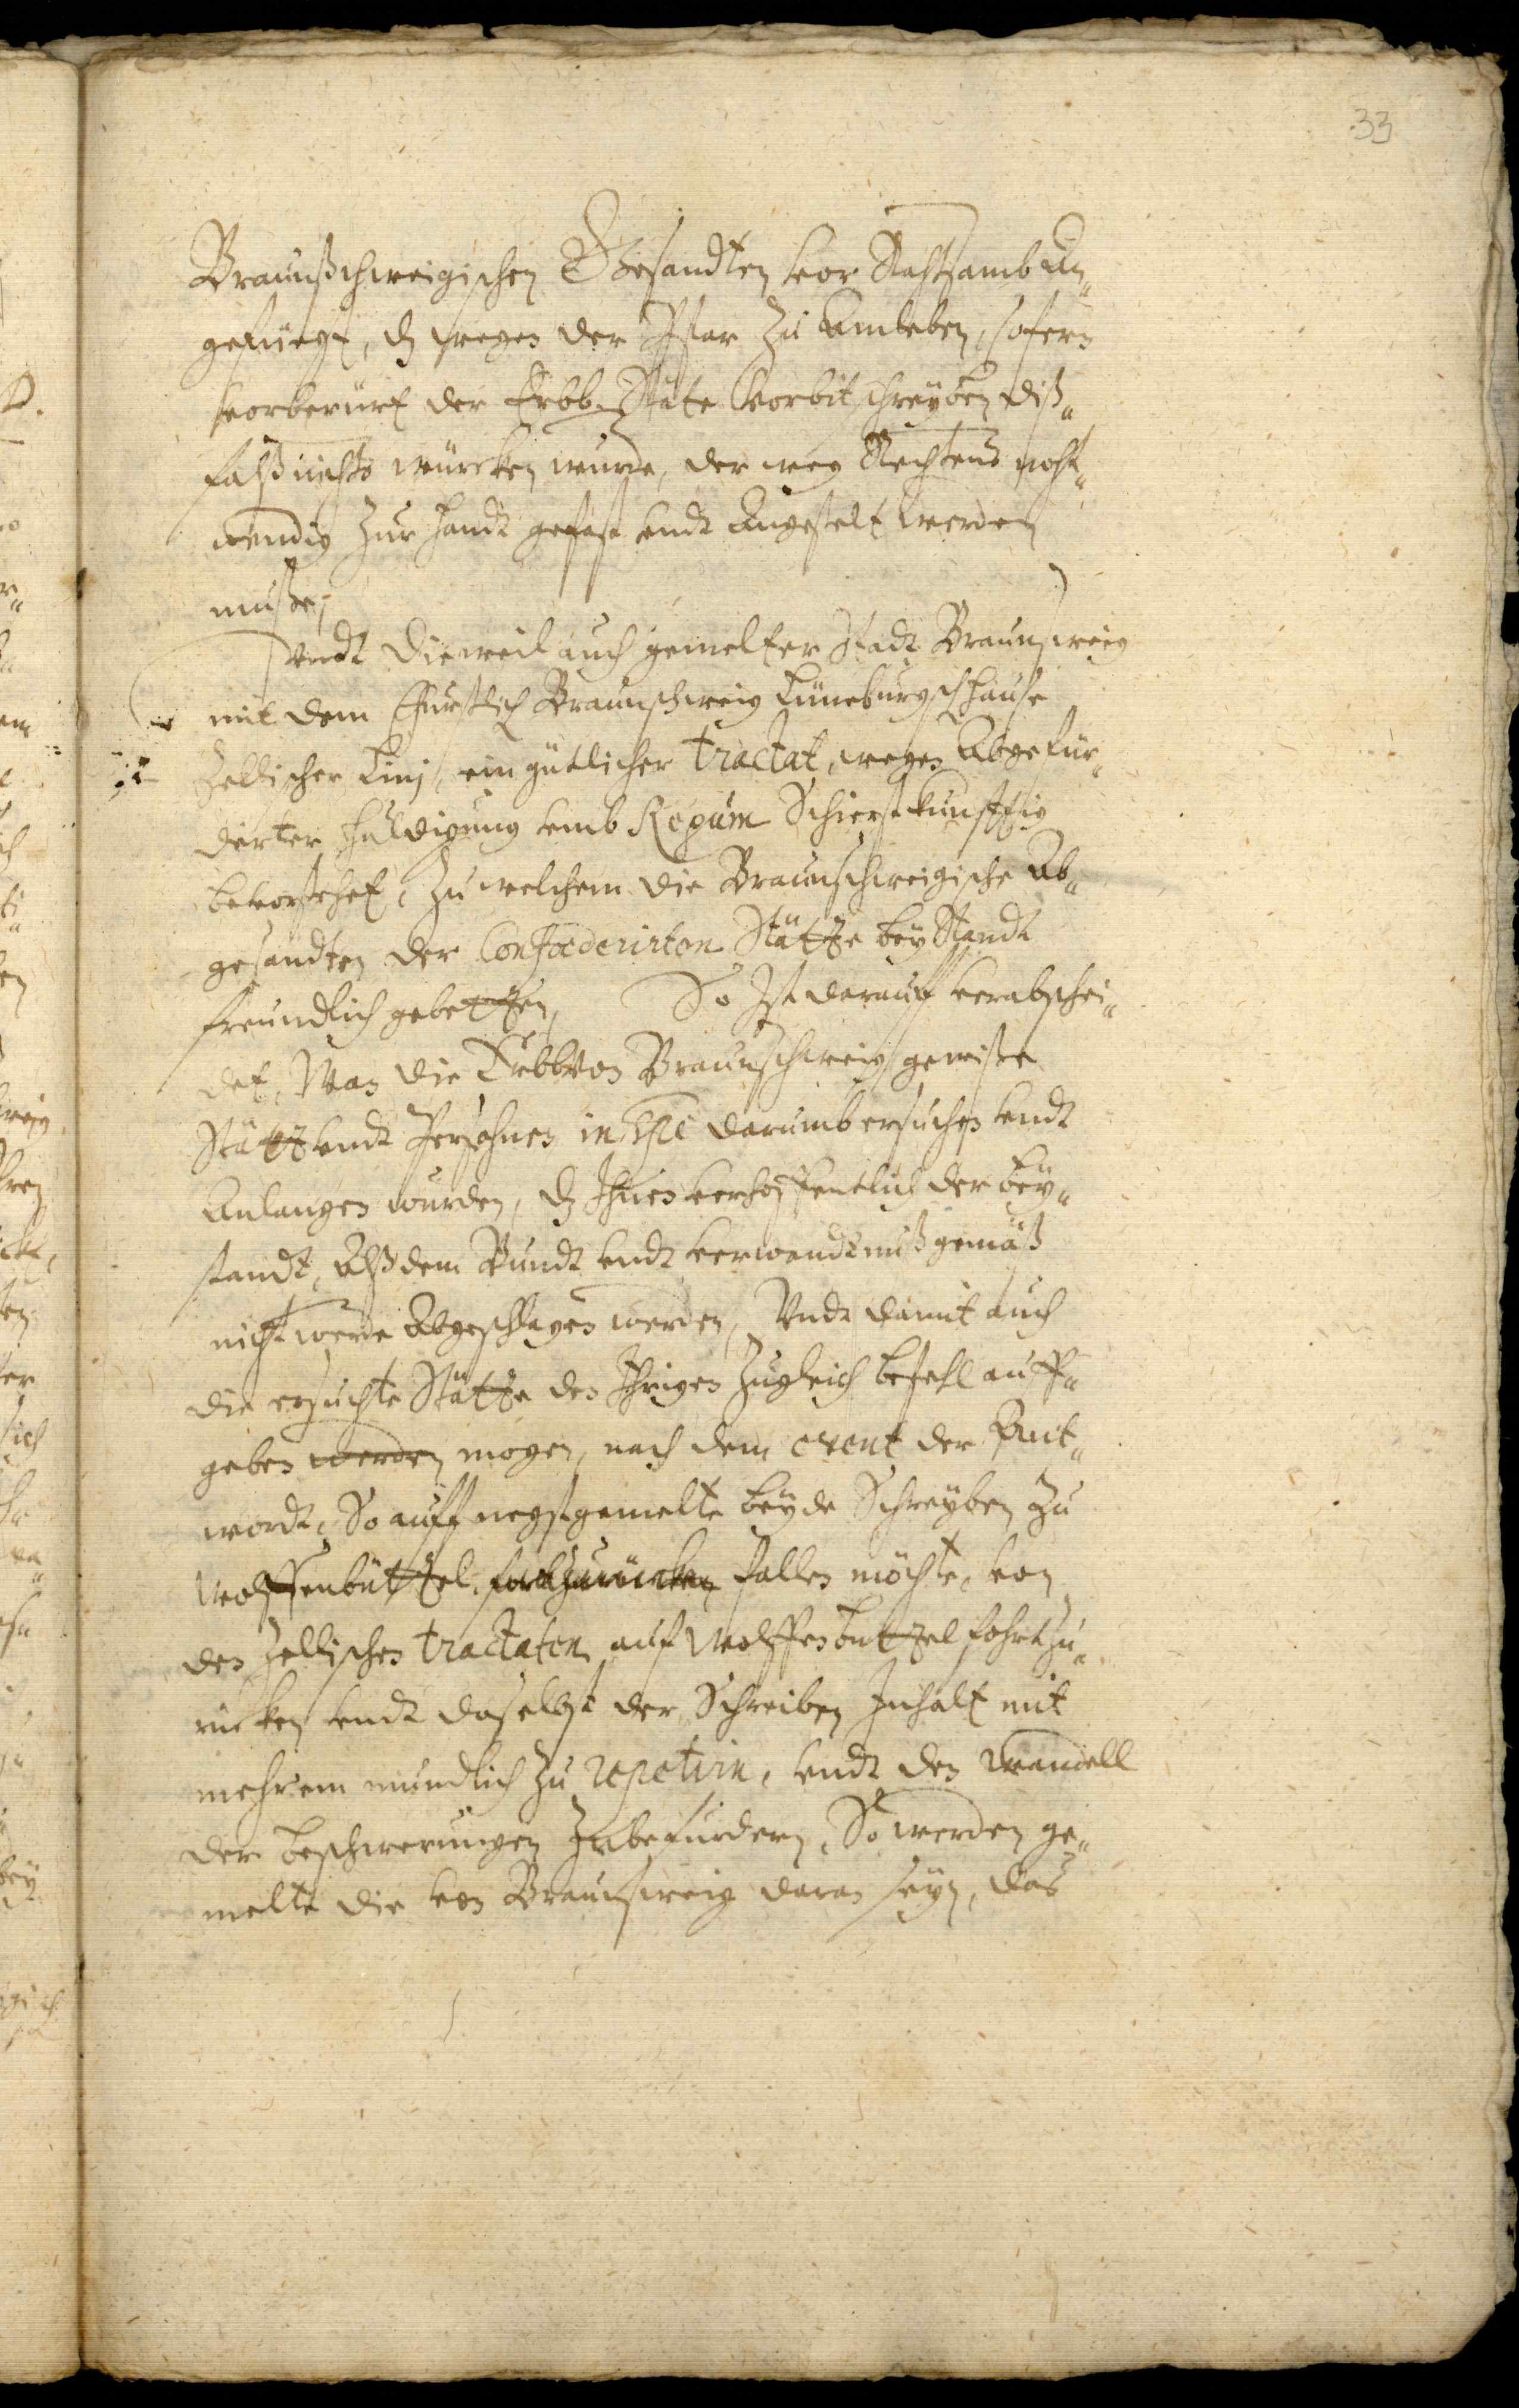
Braunßchweigischen Gesandten vor Rahtsamb an¬
gefüegt, den wegen der Pfar zu ambeben, sofern
vorberürt der Erbb. Stäte vorbitschreijben diß¬
falß nichts würcken wurde, der weg Rechtens noht¬
wendig zur handt gefast vndt angestelt werden
muße;
vndt dieweil auch gemelter Stadt Braunsweig
mit dem Furstlichen Braunschweig Lüneburgsch hause
Zellischer Lini, ein gütlicher tractat, wegen abgefür¬
derter huldigung vmb Regum Schierst kunfftig
bevorstehet, zu welchem die Braunschweigische ab¬
gesandten der Confoederirten Stätte beijstandt
freundlich gebetten, So ist darauff verabschei¬
det, wan die Erbb von Braunschweig gewiße
Stätt vndt Persohnen in spe darumb ersuchen vndt
anlangen wurden, den Ihnen verhoffentlich der beij¬
standt, alß dem Bundt vndt verwandtnuß gemäß
nicht werde abgeschlagen werden, Vndt damit auch
die ersuchte Stätte den Ihrigen zugleich befell auff¬
geben werden mogen, nach dem event der ant¬
wordt, so auff negstgemelte beijde Schreijben zu
Wolffenbüttel, fortzurücken fallen möchte, von
den zellischen tractaten auf Wolffenbuttel fohrtzu¬
ruken vndt doselbst der Schreiben Inhalt mit
mehrem mundlich zu repetirn, vndt den wandell
der beschwerungen zubefurdern, So werden ge¬
melte die von Braunsweig daran seijn, das
